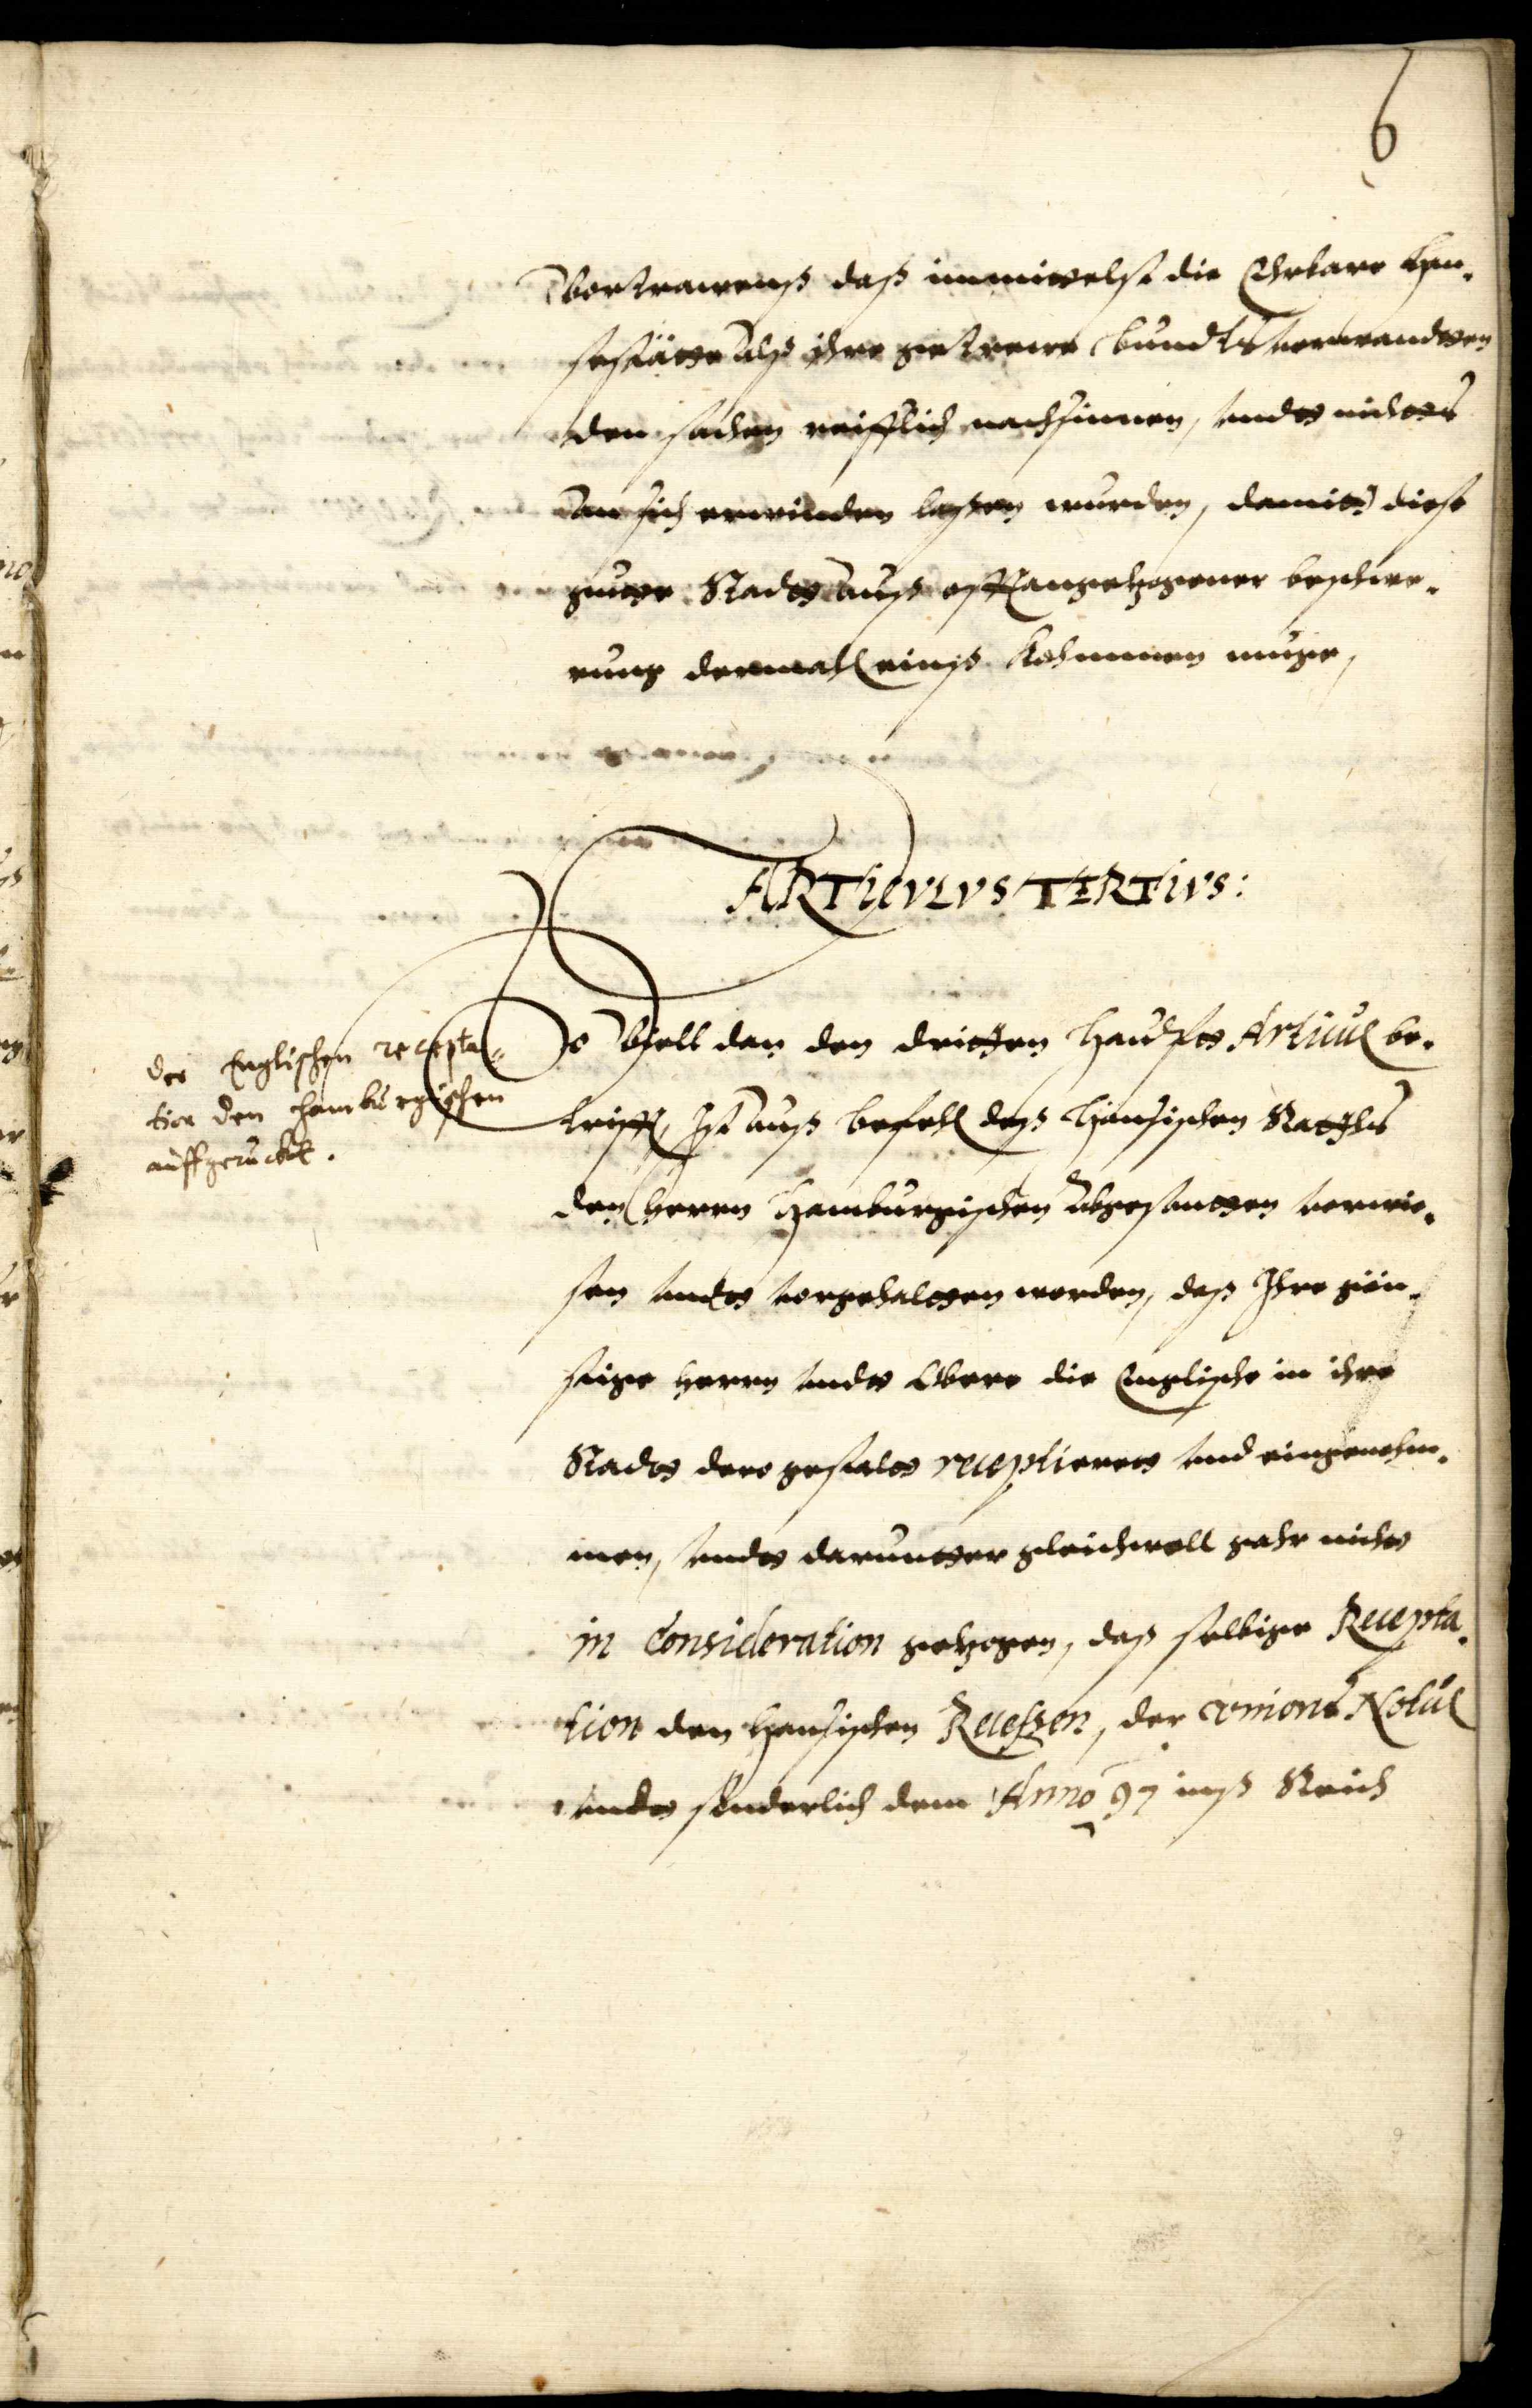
6
Vortrawenß daß immittelst die Ehrbare Han¬
sestätten alß ihre getrewe bundtsverwandtten
den sachen reifflich nachsinnen, vndtt nichtts
an sich erwinden laßen wurden, damitt diese
gutte Stadtt Auß oftangetzogener beschwer¬
rung dermahleinß kohmmen muge,
der Englischen recepta¬
tion den hamburgischen
auffgeruckt.
ARTICVLVS TERTIVS:
So woll dan den dritten Hauptt Articul be¬
betriftt, Ist Auß befehl deß Hansischen Ratths
den herrn Hamburgischen Abgesantten verwie¬
sen vndtt vorgehaltten worden, daß Ihre gön¬
stige herrn vndtt Obere die Englische in ihre
Stadtt dero gestaltt receptierett vndt eingenohm¬
men, vndtt daruntter gleichwoll gahr nichtt
in Consideration getzogen, daß selbige Recepta¬
tion den Hansischen Recessen, der vnions Notul
vndtt sonderlich dem Anno 97 inß Reich
